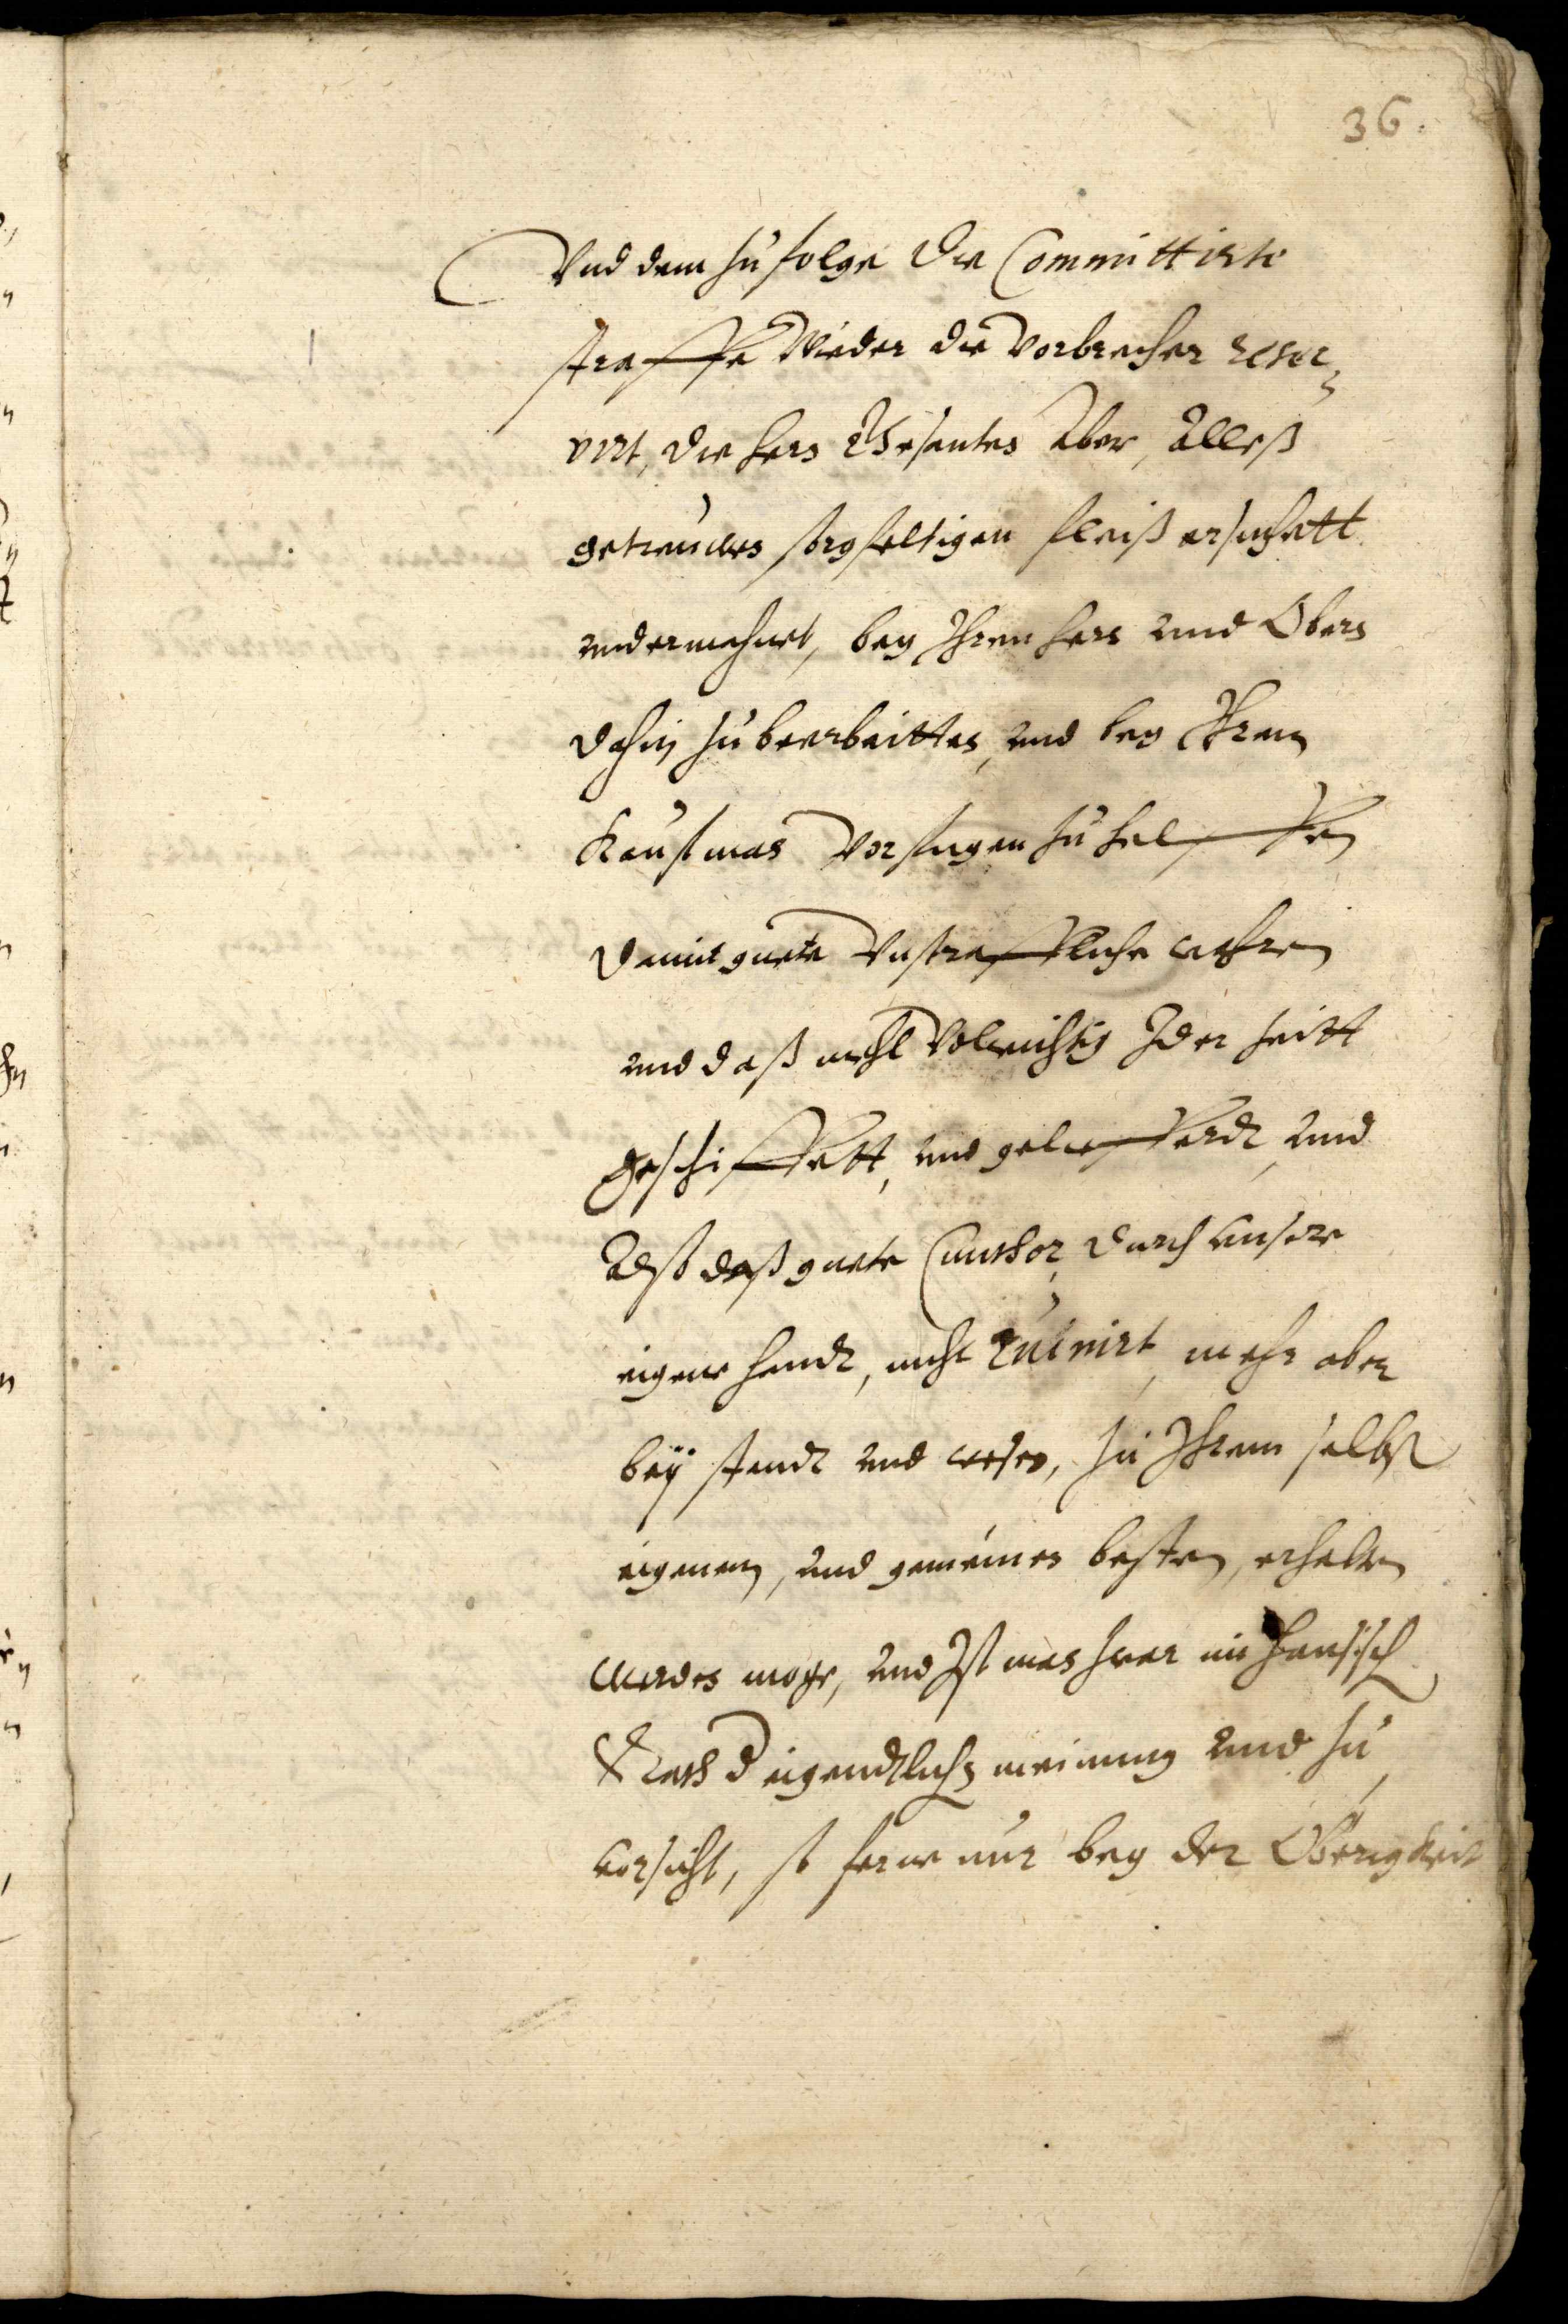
36.
Vnd demzufolge der Committirte
straffe Wieder den vorbrechen reser¬
virt, den hern Gesanten Aber, Alleß
get???den sorgfeltigen fleiß ersuchett
vnd ermahnet, beij Ihren hern vnd Obern
dahin zu bearbeitten, vnd beij Ihrem
kaufman vor??gen zu helffen
damit guete vnstraffliche wahren
vnd daß mehl vol???ichtig Jder zeitt
geschiffett, vnd geliefferdt, vnd
Alß daß guete Cunthor durch vnser
eigene handt, mehl ruinirt mehr aber
beij standt vnd wesen, zu Ihrem selbst
eigenen, vnd gemeinen besten, erhalten
werden möge, vnd Ist man zwar im hansischen
Rath der eigendtlichen meinung vnd zu
versicht, so ferne nur beij der Obrigkeit
